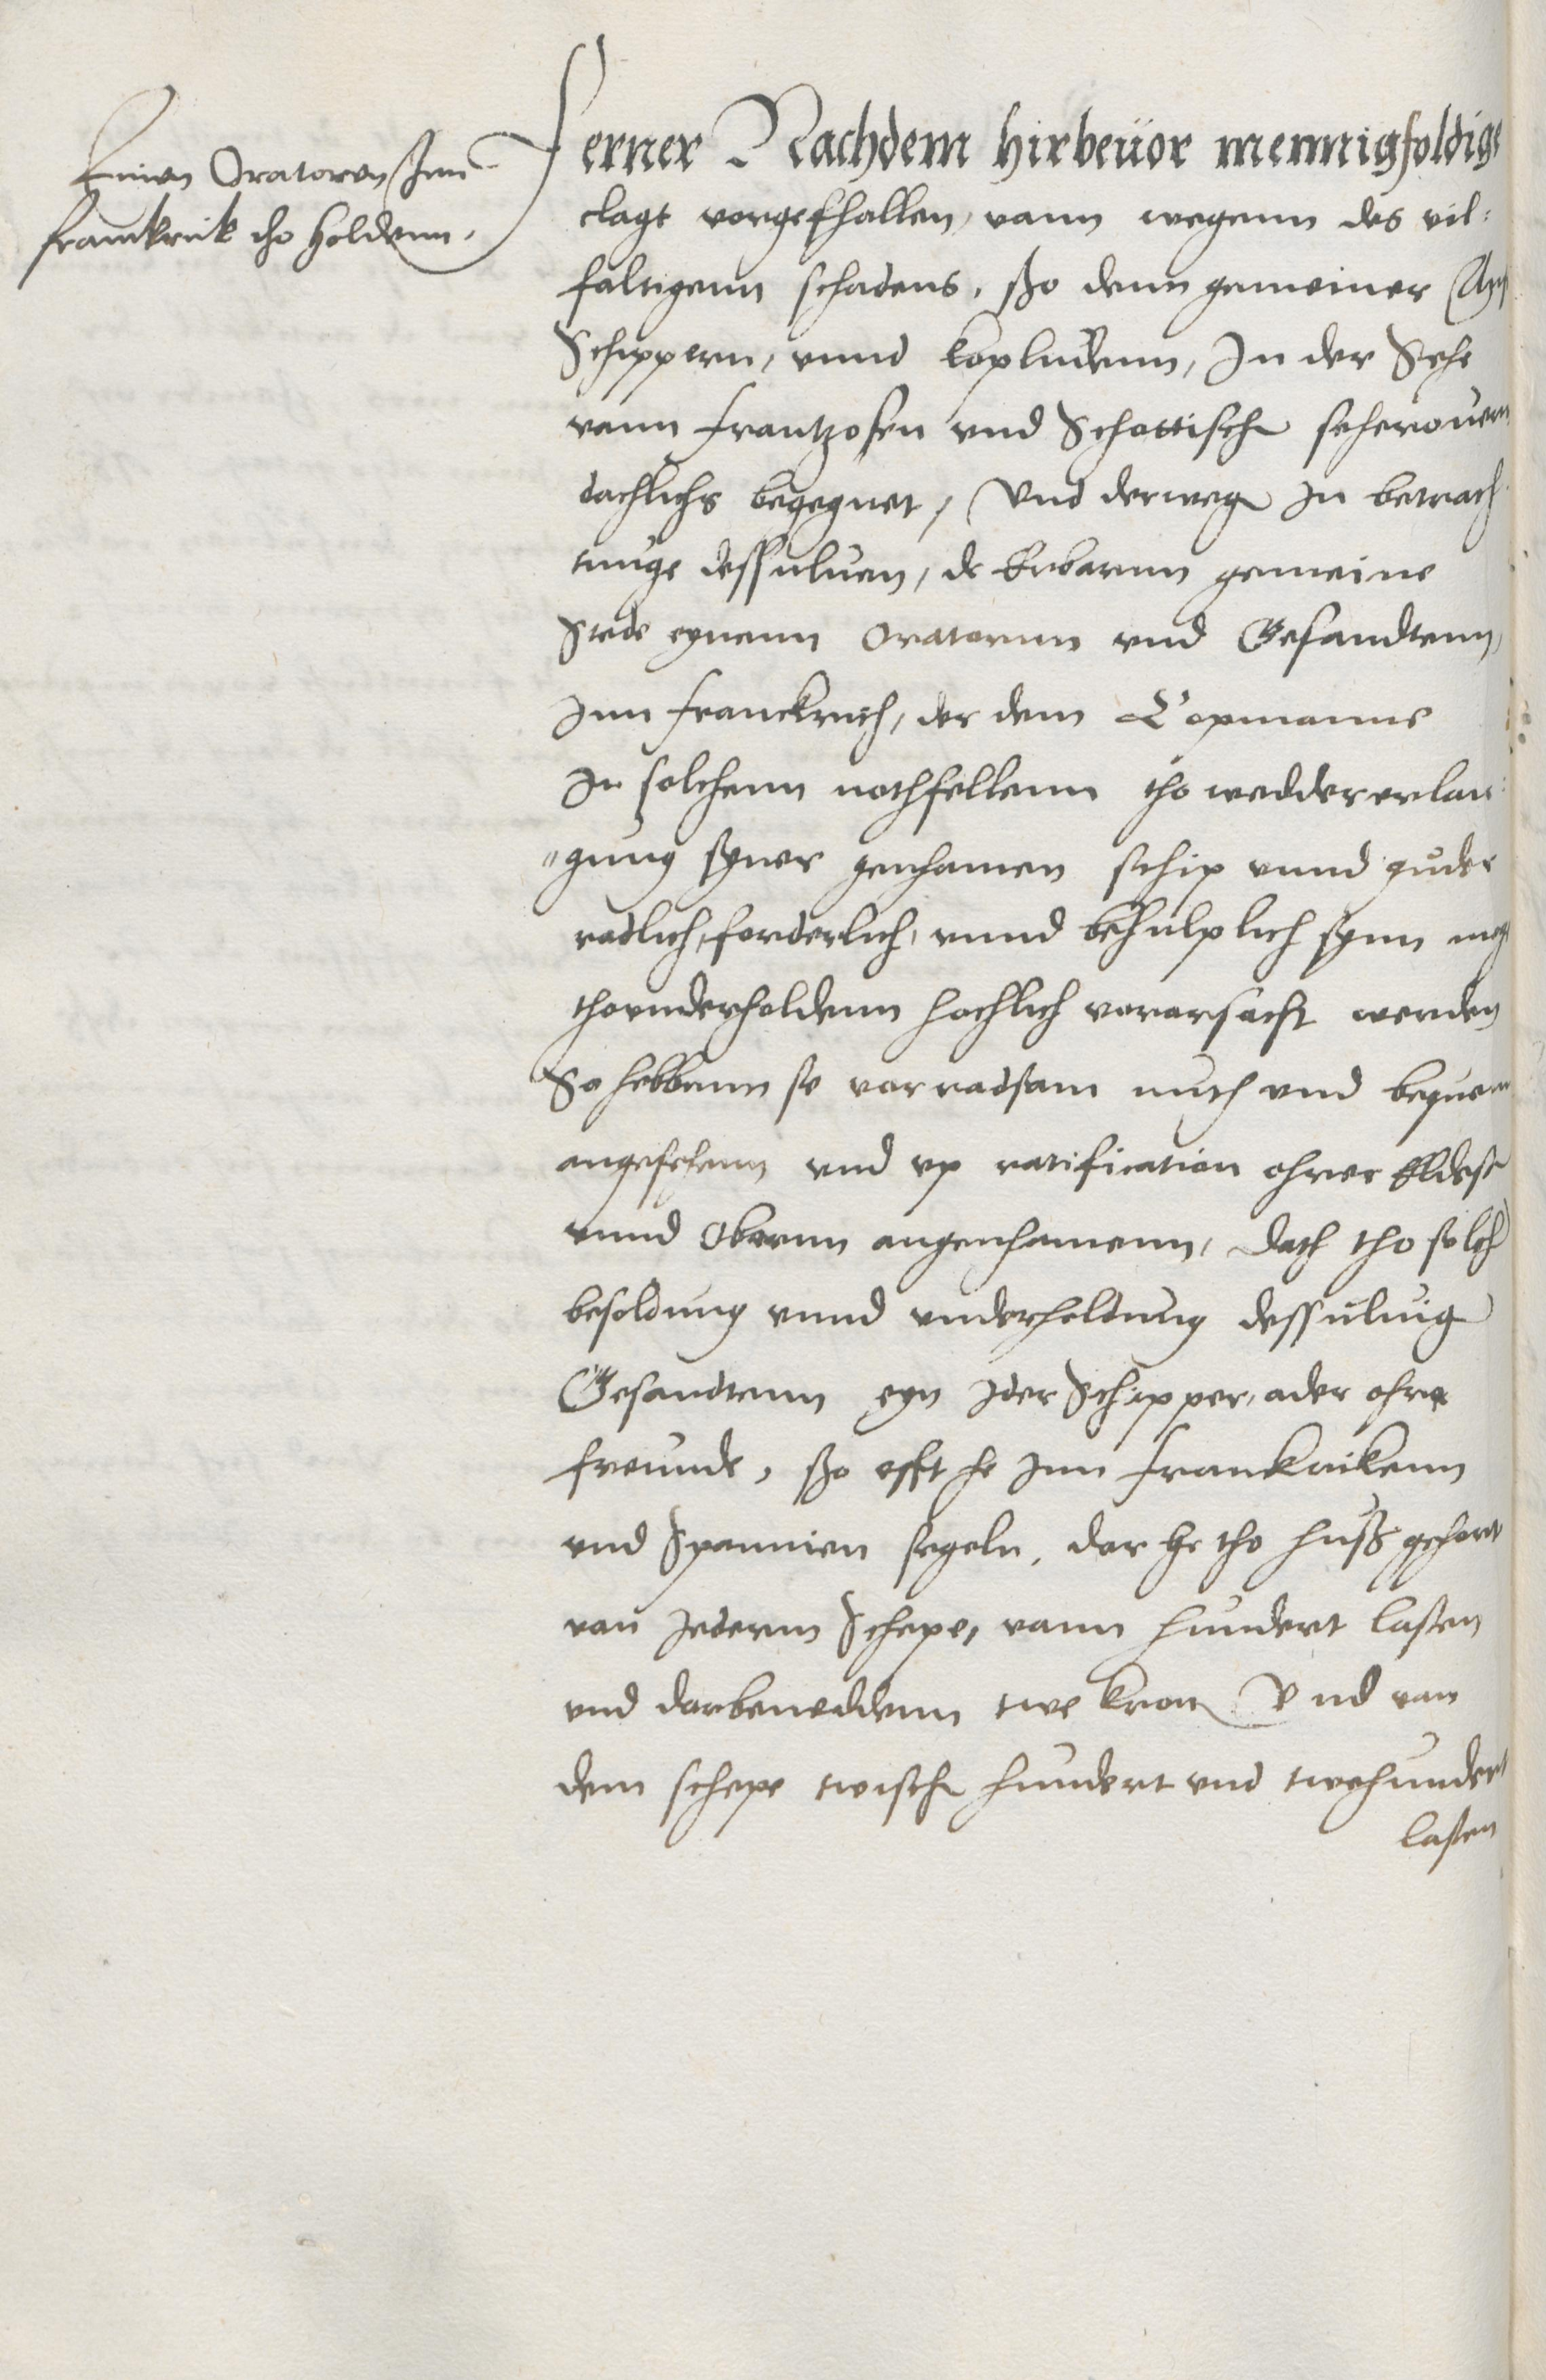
Ferner Nachdem hirbeuor mennigfoldige
clage vorgefhallen, vann wegenn des vil¬
faltigenn schadens, ßo denn gemeiner Anse
Schippern, vnnd kopludenn, jn der Sehe
vann Frantzosen vnd Schottischen seherouern
dachlichs begegnet, Vnd derwegen jn betrach¬
tunge dessuluen, de Erbarnn gemeine
Stede eynenn Oratornn vnd Gesandtenn
jnn Franckrich, der dem Copmanne
jn solchenn nothfellenn tho weddererlan¬
gung syner genhamen schip vnnd guder
radlich, forderlich, vnnd behulplich synn moge
thovnderholdenn hochlich vororsacht werden
So hebbenn se vor radsam nuth vnd bequem
angesehenn vnd vp ratification ohrer Eldesten
vnnd Obernn angenhamenn, Dath tho solcher
besoldung vnnd vnderheldung dessuluigen
Gesandtenn eyn jder Schipper, ader ohre
freunde, ßo offt he jnn Frankrikenn
vnd Spannien segeln, dar He tho huß gehort
van jederm Schepe, vann hundert lasten
vnd darbeneddenn twe Kronen Vnd van
dem schepe twischen hundert vnd twehundert
lasten
Einen Oratoren jnn
Franckrick tho holdenn.
